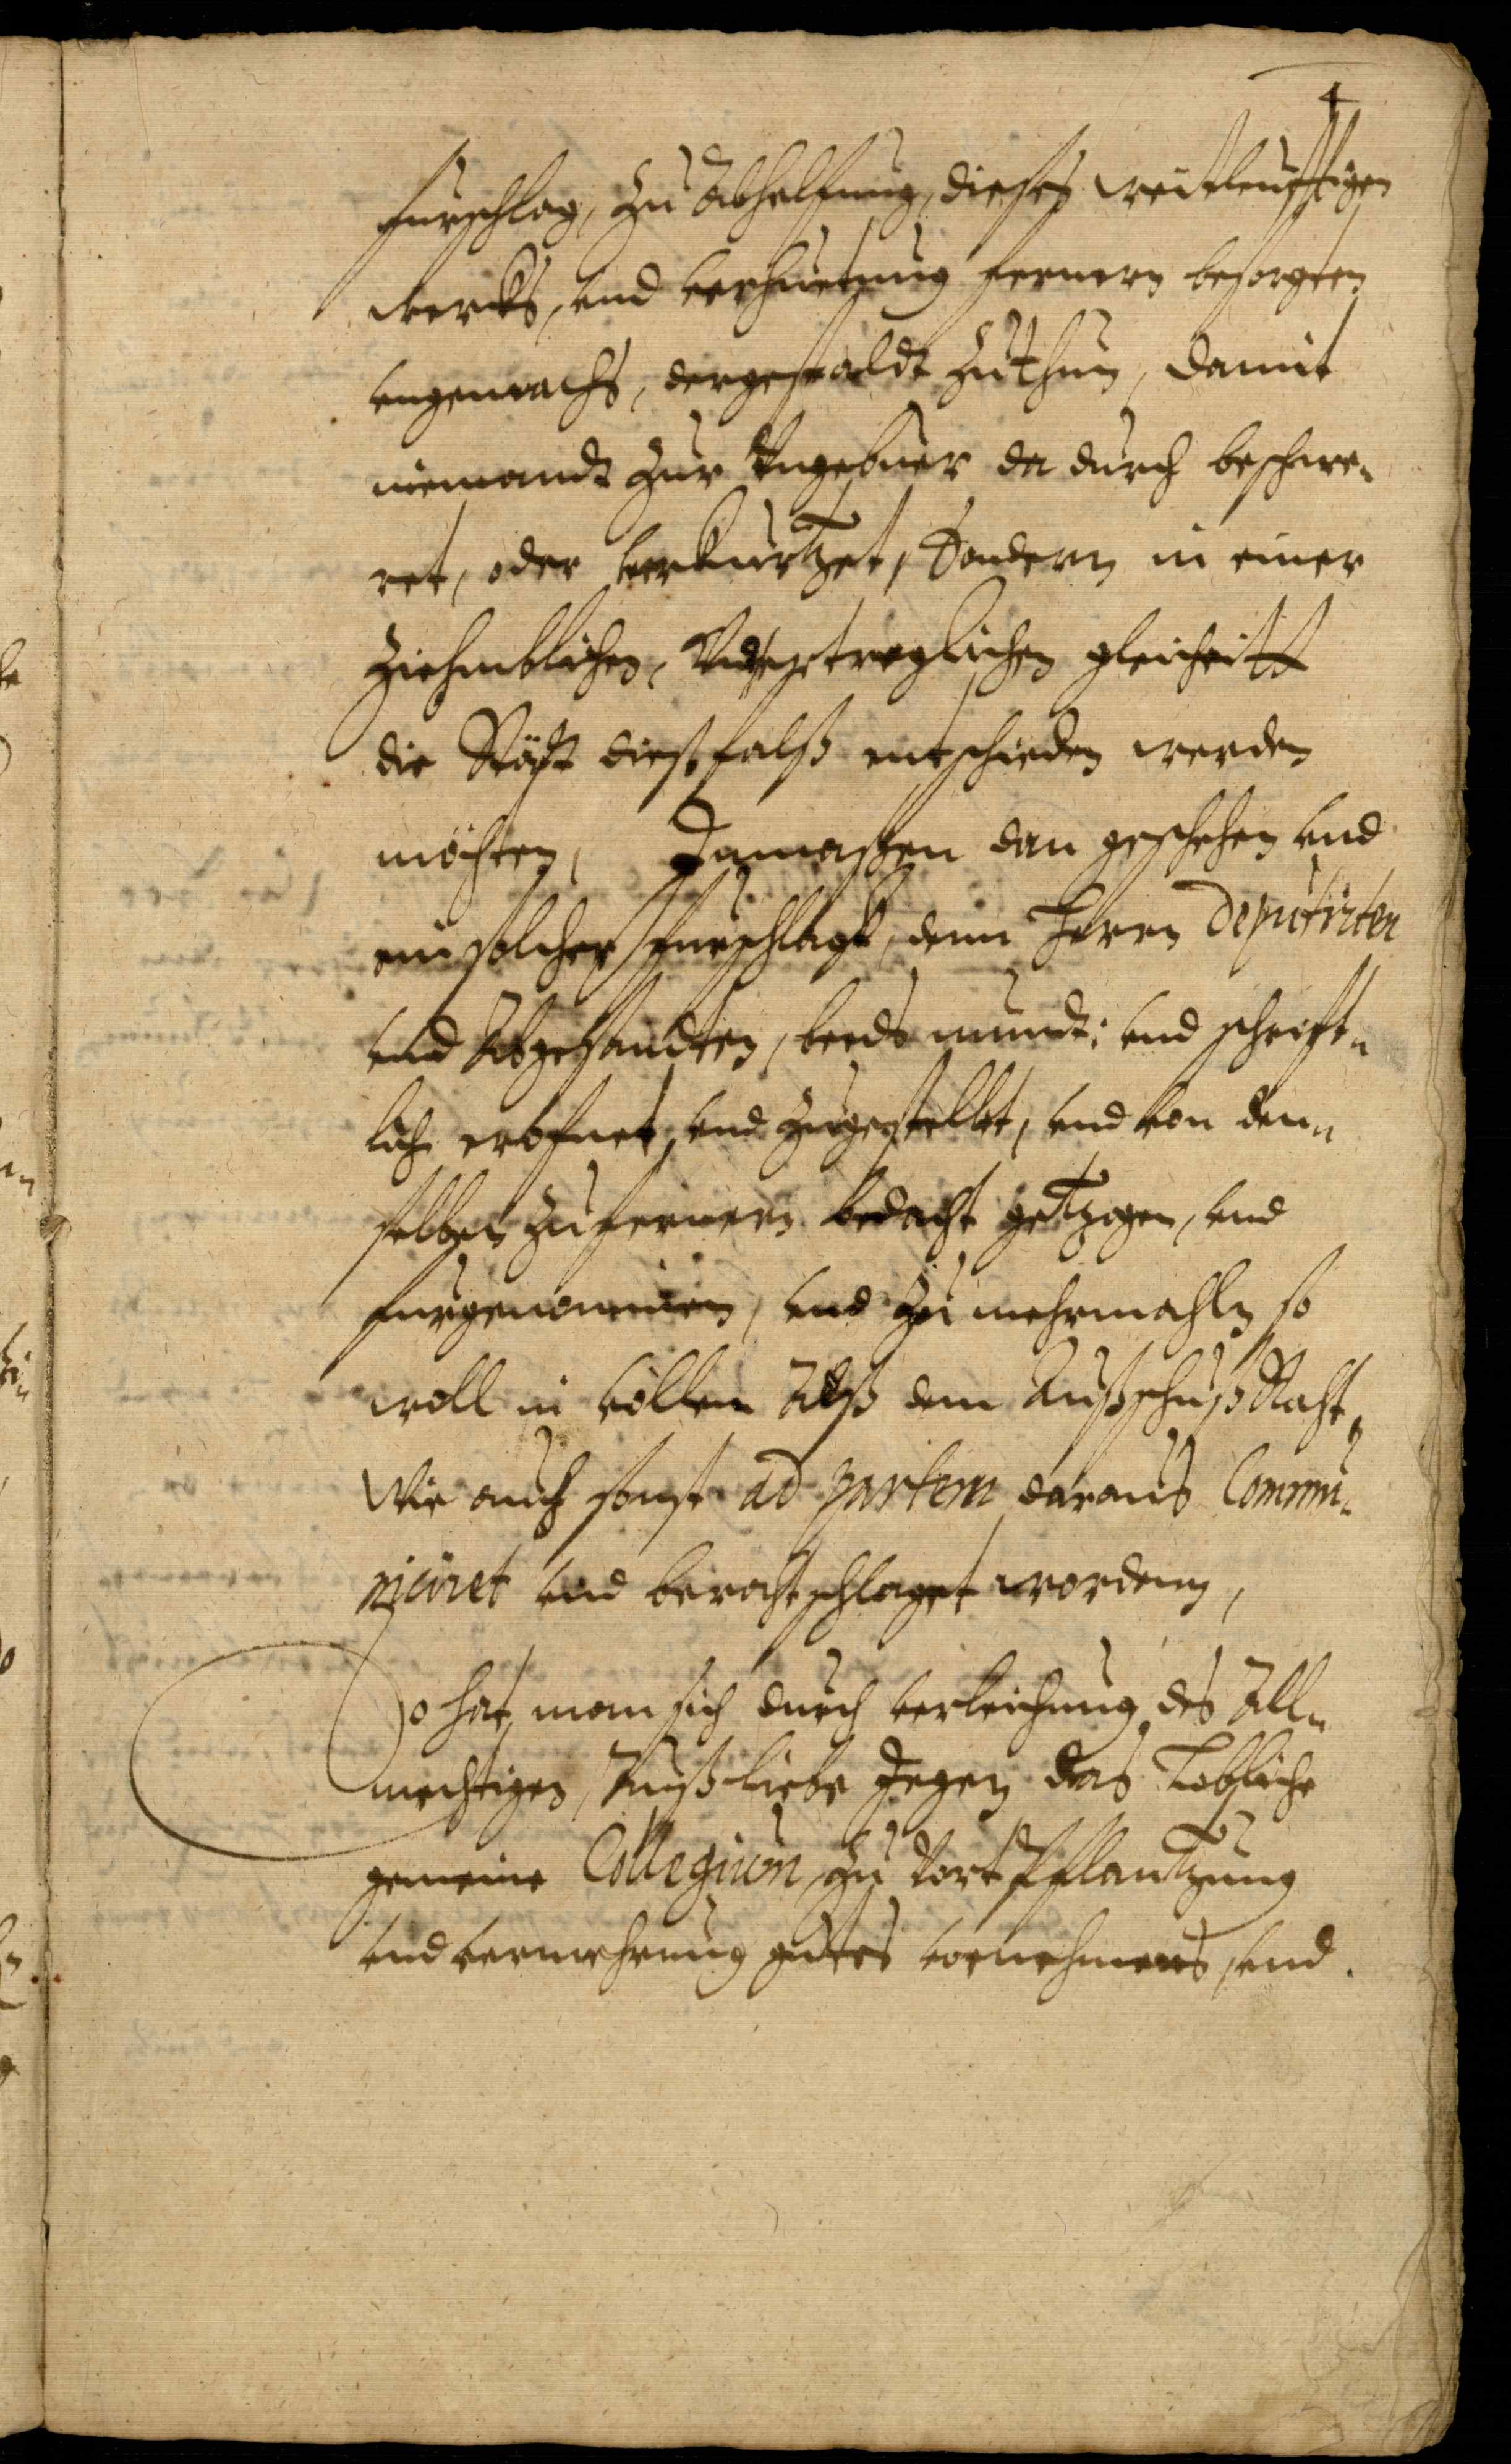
4
furschlag, zu abhelfung, dieses weitleufftigen
wercks, vnd verhuetung fernern besorgten
vngemachs, dergestalldt zuthun, damit
niemandt zur vngebuer da durch beschwe¬
ret, oder verkurtzet, sondern in einer
ziehmblichen, vnd ertreglichen gleicheitt
die Städt diesfalß entschieden werden
möchten, Inmaßen dan geschehen vnd
ein solcher furschlagk dem Herrn deputirten
vnd Abgesandten, beeds mundt: vnd schrift¬
lich erofnet, vnd zugestellet, vnd von den¬
selben zu fernern bedacht ghetzogen, vnd
furgenommen, vnd zu mehrmahlen so
woll in vollem alß dem Außschuß Raht,
wie auch sonst ad partem daraus Commu¬
niciret vnd berahtschlaget worden,
So hat man sich durch verleihung des all¬
mechtigen, Aus liebe Jegen das Lobliche
gemeine Collegium, zu vortpflantzung
vnd vermehrung gutes vornehmens, vnd
